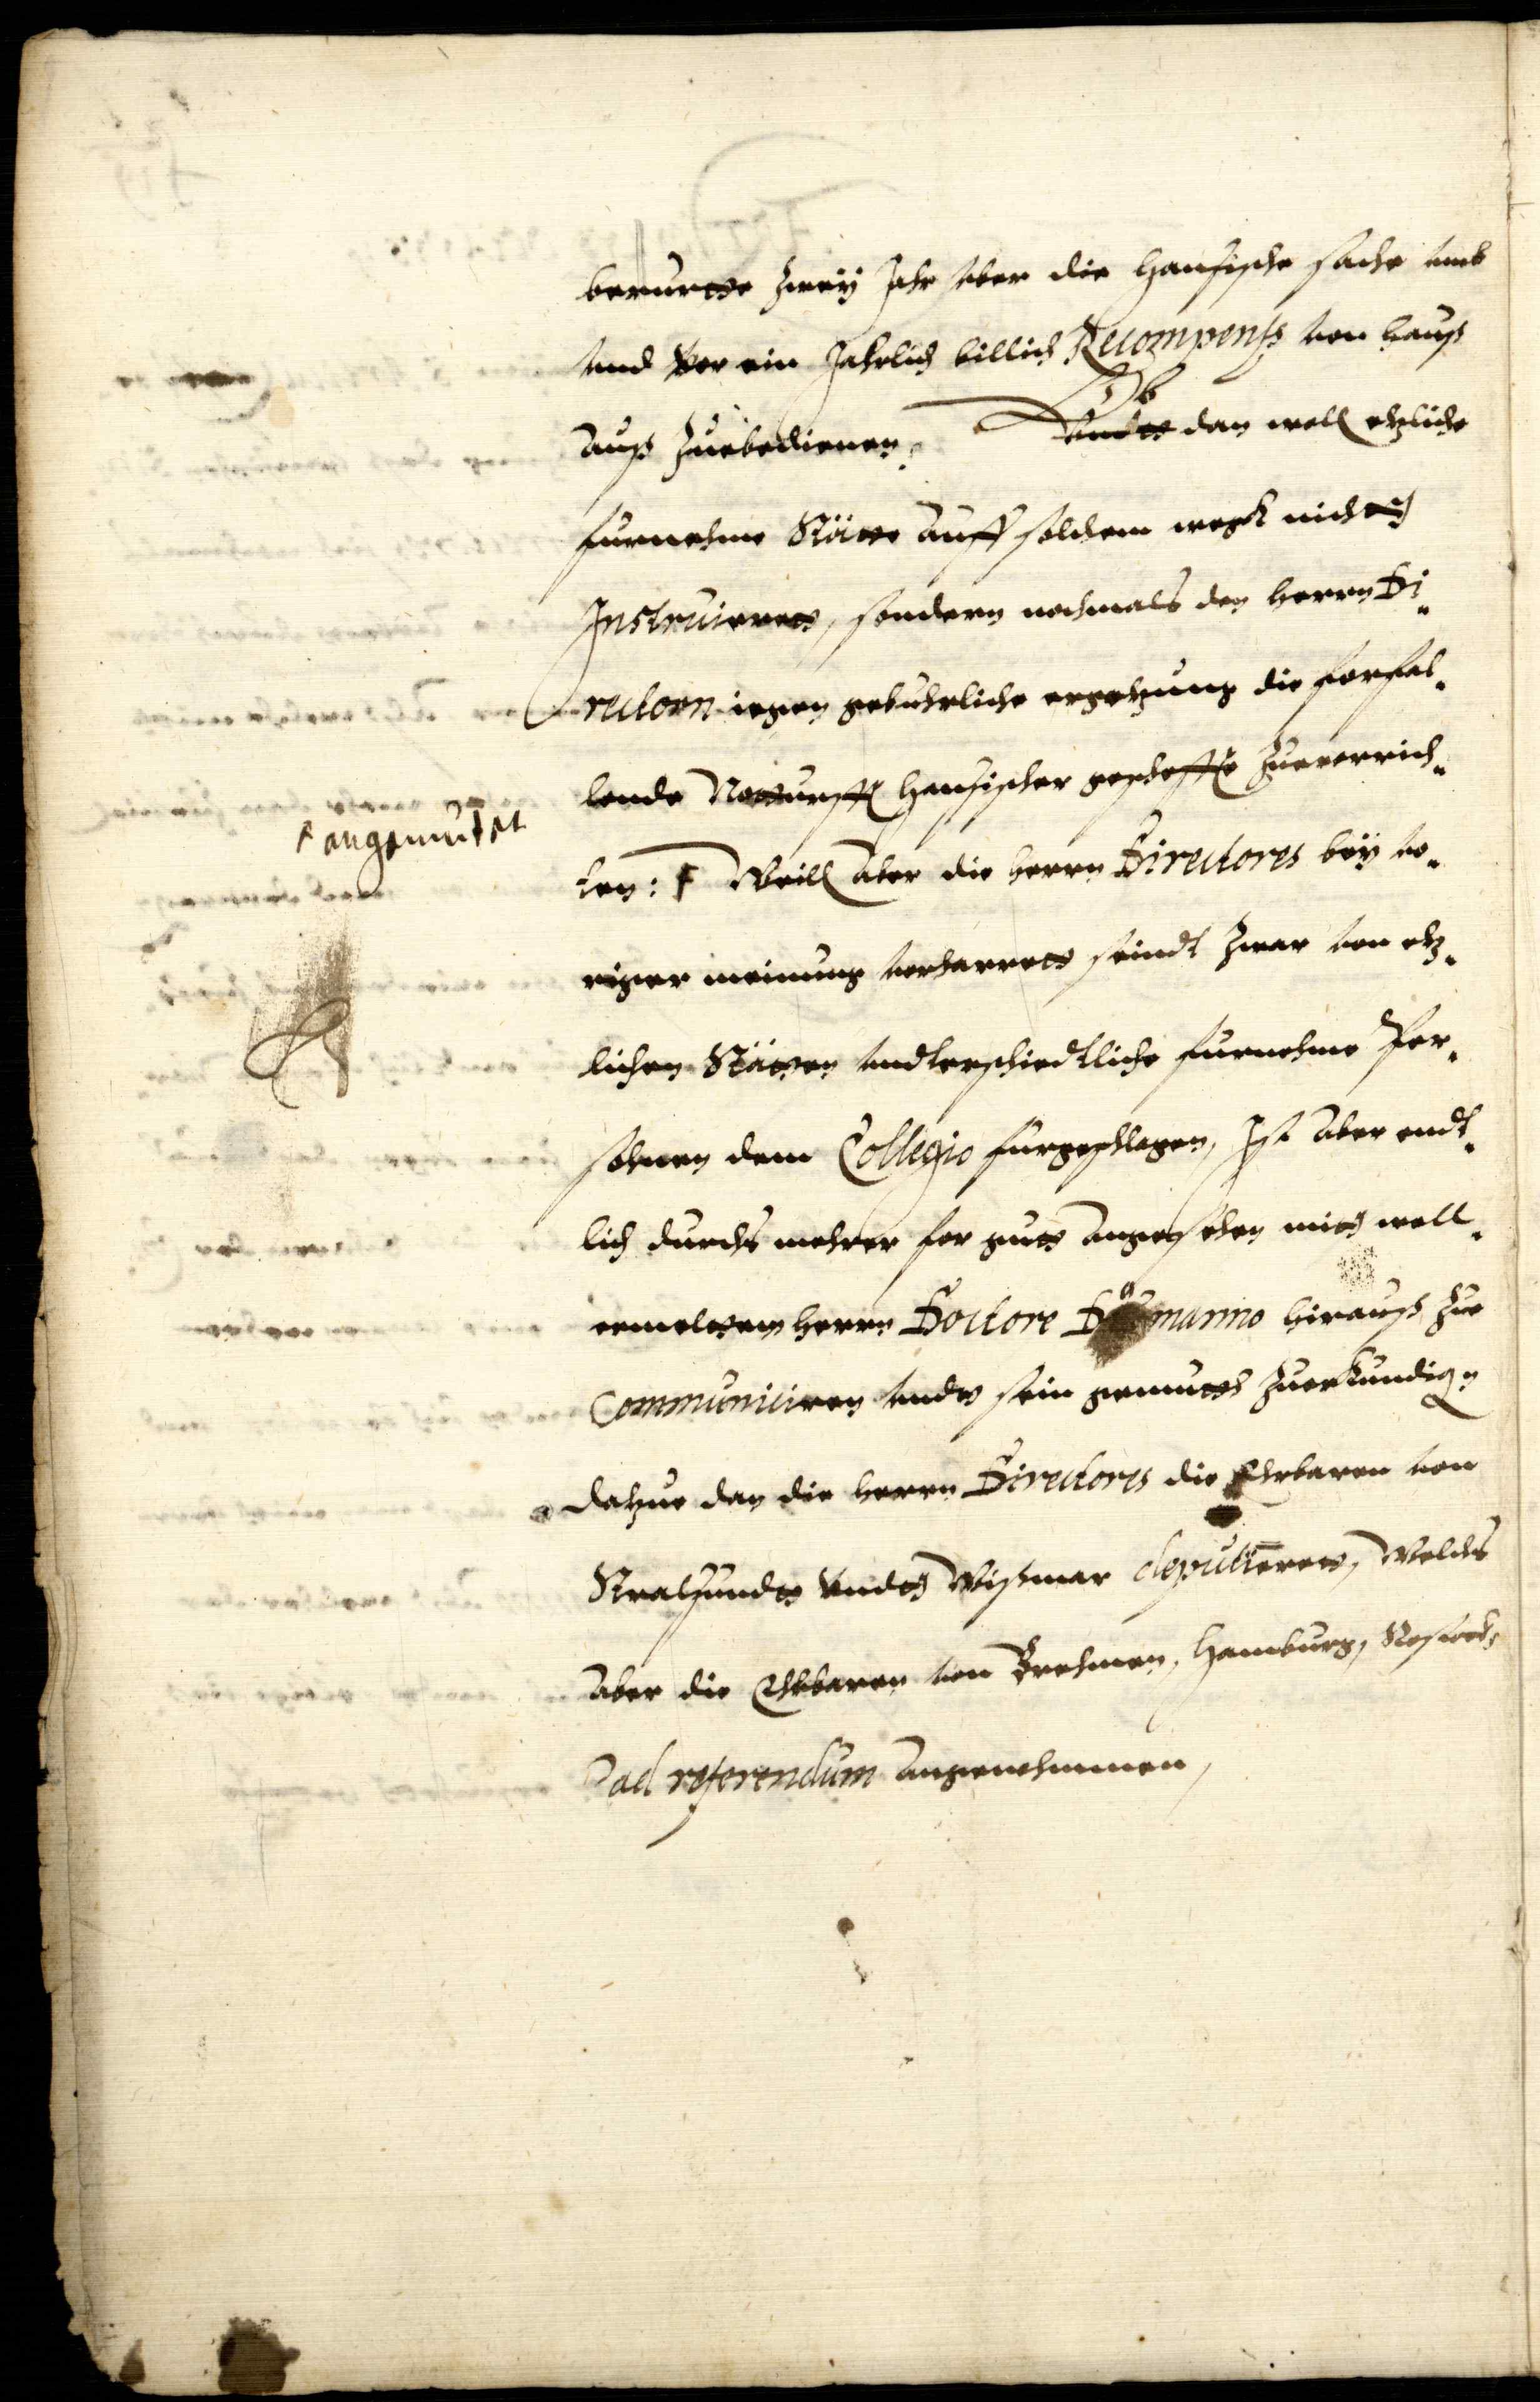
F angemutet
berurtte zweij Jahr vber die Hansische sache vmb
vnd vor ein Jahrlich billich Recompenss von hauß
Auß zuebedienen, Vndtt Ob dan woll etzliche
furnehme Stätte Auff solchem wegk nichtt
Instruierett, sondern nochmals den herrn Di¬
rectorn iegen gebuhrliche ergetzunng die forfal¬
lende Notturfft Hansischer gescheffte zuererrich¬
ten: F Weill Aber die herrn Directores beij vo¬
riger meinung verharrett, sindt zwar von etz¬
lichen Stätten vndterschiedtliche furnehme Per¬
sohnen dem Collegio furgeschlagen, Ist Aber endt¬
lich durchs mehrer for gutt angesehen mitt woll¬
ermelttem herre Doctore Domanno hirauß zue
Communiciren vndt sein gemutth zuerkundigen
datzue dan die herrn Directores die Ehrbaren von
Stralsundtt vndtt Wißmar deputierett, Welches
Aber die Ehrbarn von Bremen, Hamburg, Rostock,
ad referendum Angenohmmen,
